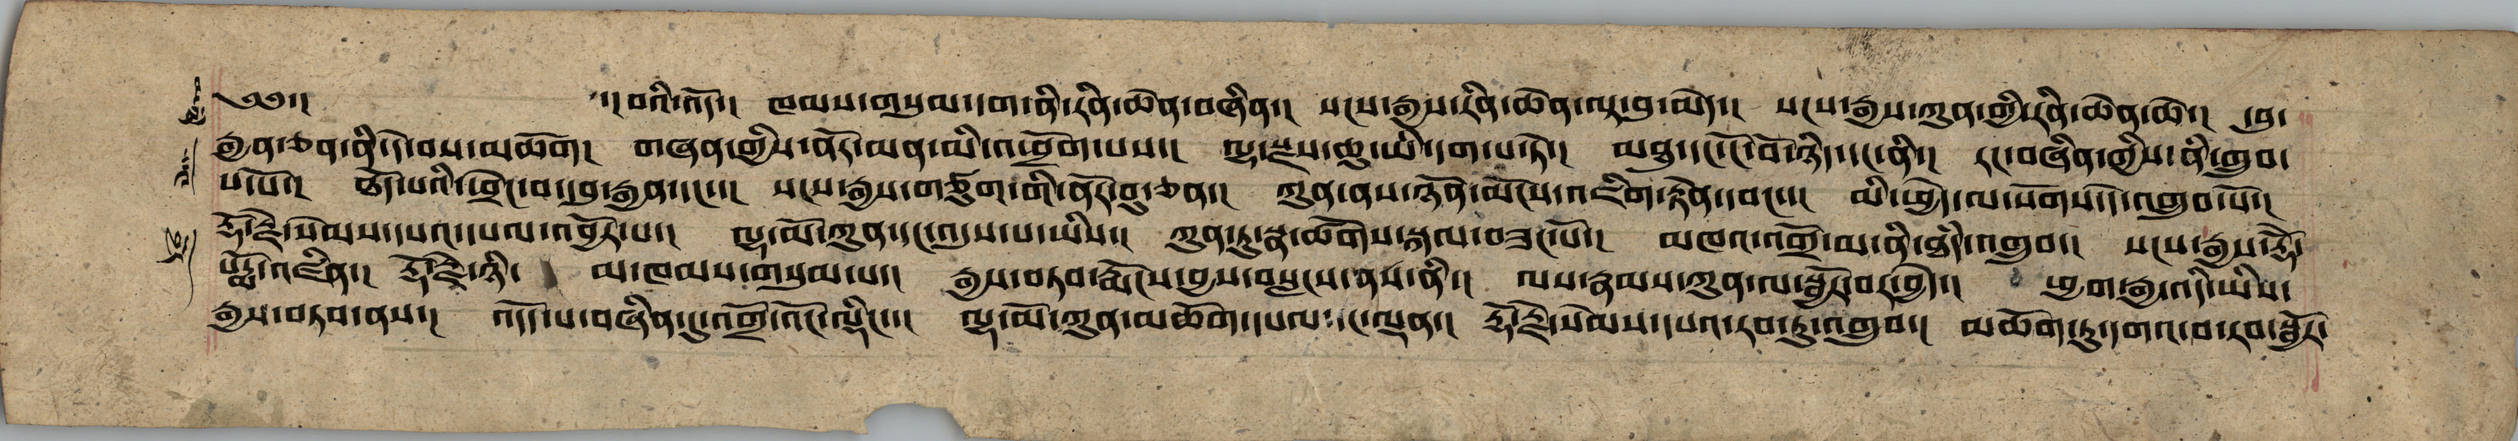༄༅་། ་།བའི་འོད་། ཁམས་གསུམ་དག་ནི་རིན་ཆེན་བཞིན་། སངས་རྒྱས་་རིན་ཆེན་ལྟ་བུ་མེད་། སངས་རྒྱས་ཀུན་གྱི་རིན་ཆེན་ཆེ་། དབུ་
རྒྱན་ཅན་ནི་དེ་བས་མཆོག། གཞན་གྱིས་ནོར་མན་མི་འཕྲོག་པས་། ལྷ་སྫས་ཆུ་ཡི་དག་པ་ཏེ་། མཐུ་དང་ངོ་བོ་ཉིད་དང་ནི་། རང་བཞིན་གྱིས་ནི་གྲུབ་
པ་པོ་། ཐོད་པའི་ཕྲེང་བ་དབུ་རྒྱན་དང་་། སངས་རྒྱས་གཙུག་གི་ནོར་བུ་ཅན་། ཀུན་ནས་ཉོན་མོངས་འཇིག་རྟེན་དབང་་། མི་ཕྱེད་ལ་སོགས་དེ་འགྲུབ་པོ་།
རྡོ་རྗེ་སེམས་དཔའ་དཔལ་འབྱོར་པ་། ལྷ་མོ་ཀུན་དང་འདུས་པ་ཡིས་། ཀུན་ཏུ་སྣ་ཚོགས་སྐལ་བཟང་པོ་། མཁའ་འགྲོ་མ་ནི་ཐཾད་འགྲུབ་། སངས་རྒྱས་རྡོེ་
པདྨོ་འཛིན་། རྡོ་རྗེ་ཉི་ མ་ཁམས་གསུམ་པ་། རྒྱས་བཏབ་རྨོངས་བྱས་བསླངས་ནས་ནི་། ལས་རྣམས་ཀུན་ལ་སྦྱོར་བར་བྱེད་། ཕྱག་རྒྱ་འདི་ཡིས་
རྒྱས་བཏབ་ནས་། འདོད་པ་བཞིན་དུ་འགྲོ་འོང་ལྡིང་་། ལྷ་མོ་ཀུན་མཆོག་དཔལ་དང་ལྡན་། རྡོ་རྗེ་སེམས་དཔའ་རབ་ཏུ་འགྲུབ་། མཆོག་ཏུ་དགའ་བ་རབ་སྦྱོར་